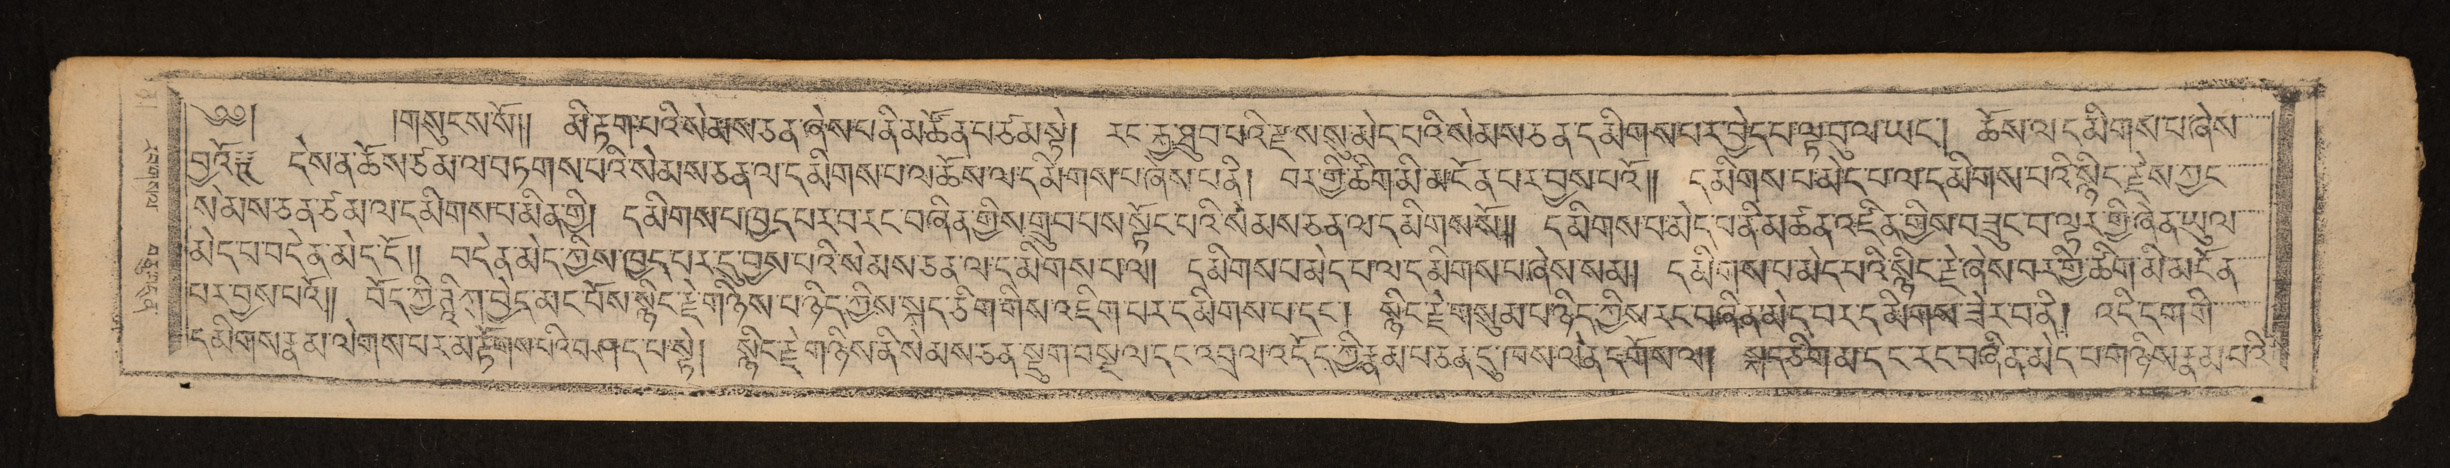༄༅། །གསུངས་སོ། །མི་རྟག་པའི་སེམས་ཅན་ཞེས་པ་ནི་མཚོན་པ་ཙམ་སྟེ། རང་རྐྱ་ཐུབ་པའི་རྫས་སུ་མེད་པའི་སེམས་ཅན་དམིགས་པར་བྱེད་པ་ལྟ་བུ་ལ་ཡང་། ཆོས་ལ་དམིགས་པ་ཞེས་
བྱའོ༑༑ དེས་ན་ཆོས་ཙམ་ལ་བཏགས་པའི་སེམས་ཅན་ལ་དམིགས་པ་ལ་ཆོས་ལ་དམིགས་པ་ཞེས་པ་ནི། བར་གྱི་ཚིག་མི་མངོན་པར་བྱེད་པའོ།། དམིགས་པ་མེད་པ་ལ་དམིགས་པའི་སྙིང་རྗེས་ཀྱང་
སེམས་ཅན་ཙམ་ལ་དམིགས་པ་མིན་གྱི། དམིགས་པ་ཁྱད་པར་བ་རང་བཞིན་གྱིས་གྲུབ་པས་སྟོང་པའི་སེམས་ཅན་ལ་དམིགས་སོ།། དམིགས་པ་མེད་པ་ནི་མཚན་འཛིན་གྱིས་བཟུང་བ་ལྟར་གྱི་ཞེན་ཡུལ་
མེད་པ་བདེན་མེད་དོ།། བདེན་མེད་ཀྱིས་ཁྱད་པར་དུ་བྱས་པའི་སེམས་ཅན་ལ་དམིགས་པ་ལ། དམིགས་པ་མེད་པ་ལ་དམིགས་པ་ཞེས་སམ། དམིགས་པ་མེད་པའི་སྙིང་རྗེ་ཞེས་པར་གྱི་ཚིག་མི་མངོན་
པར་བྱས་པའོ།། བོད་ཀྱི་ཊཱིཀ་བྱེད་མང་པོས་སྙིང་རྗེ་གཉིས་པ་ཉིད་ཀྱིས་སྐད་ཅིག་གིས་འཇིག་པར་དམིགས་པ་དང་། སྙིང་རྗེ་གསུམ་པ་ཉིད་ཀྱིས་རང་བཞིན་མེད་པར་དམིགས་ཟེར་བ་ནི། འདི་དག་གི་
དམིགས་རྣམ་ལེགས་པར་མ་རྟོགས་པའི་བཤད་པ་སྟེ། སྙིང་རྗེ་གཉིས་ནི་སེམས་ཅན་སྡུག་བསྔལ་དང་འབྲལ་འདོད་ཀྱི་རྣམ་པ་ཅན་དུ་ཁས་ལེན་དགོས་ལ། སྐད་ཅིག་མ་དང་རང་བཞིན་མེད་པ་གཉིས་རྣམ་པའི་